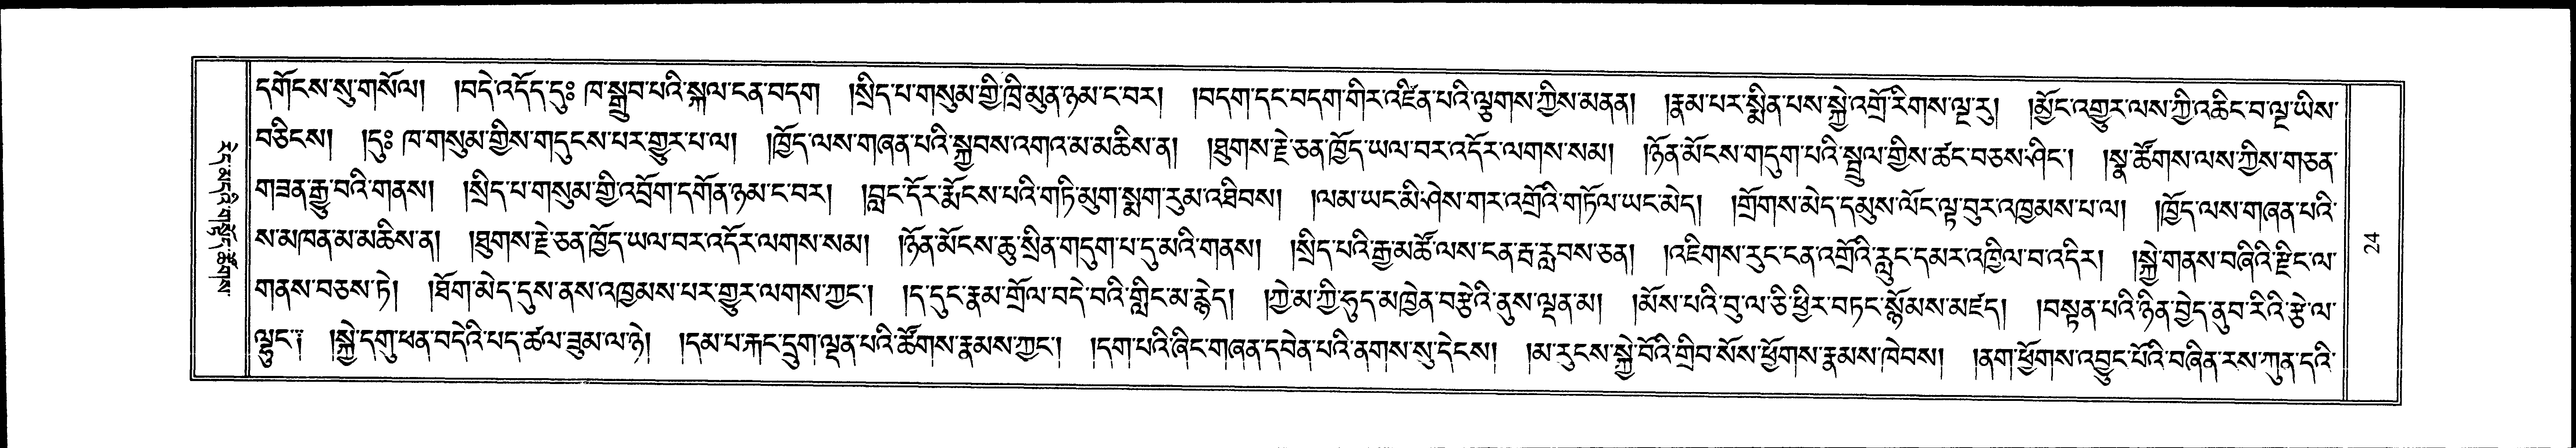དགོངས་སུ་གསོལ། །བདེ་འདོད་དུཿ ཁ་སྒྲུབ་པའི་སྐལ་ངན་བདག །སྲིད་པ་གསུམ་གྱི་ཁྲི་མུན་ཉམ་ང་བར། །བདག་དང་བདག་གིར་འཛིན་པའི་ལྕགས་ཀྱིས་མནན། །རྣམ་པར་སྨིན་པས་སྐྱེ་འགྲོ་རིགས་ལྔ་རུ། །མྱོང་འགྱུར་ལས་ཀྱི་འཆིང་བ་ལྔ་ཡིས་
བཅིངས། །དུཿ ཁ་གསུམ་གྱིས་གདུངས་པར་གྱུར་པ་ལ། །ཁྱོད་ལས་གཞན་པའི་སྐྱབས་འགའ་མ་མཆིས་ན། །ཐུགས་རྗེ་ཅན་ཁྱོད་ཡལ་བར་འདོར་ལགས་སམ། །ཉོན་མོངས་གདུག་པའི་སྦྲུལ་གྱིས་ཚང་བཅས་ཤིང་། །སྣ་ཚོགས་ལས་ཀྱིས་གཅན་
གཟན་རྒྱུ་བའི་གནས། །སྲིད་པ་གསུམ་གྱི་འབྲོག་དགོན་ཉམ་ང་བར། །བླང་དོར་རྨོངས་པའི་གཏི་མུག་སྨག་རུམ་འཐིབས། །ལམ་ཡང་མི་ཤེས་གར་འགྲོའི་གཏོལ་ཡང་མེད། །གྲོགས་མེད་དམུས་ལོང་ལྟ་བུར་འཁྱམས་པ་ལ། །ཁྱོད་ལས་གཞན་པའི་
ས་མཁན་མ་མཆིས་ན། །ཐུགས་རྗེ་ཅན་ཁྱོད་ཡལ་བར་འདོར་ལགས་སམ། །ཉོན་མོངས་ཆུ་སྲིན་གདུག་པ་དུ་མའི་གནས། །སྲིད་པའི་རྒྱ་མཚོ་ལས་ངན་རྦ་རླབས་ཅན། །འཇིགས་རུང་ངན་འགྲོའི་རླུང་དམར་འཁྱིལ་བ་འདིར། །སྐྱེ་གནས་བཞིའི་རྫིང་ལ་
གནས་བཅས་ཏེ། །ཐོག་མེད་དུས་ནས་འཁྱམས་པར་གྱུར་ལགས་ཀྱང་། །ད་དུང་རྣམ་གྲོལ་བདེ་བའི་གླིང་མ་རྙེད། །ཀྱེ་མ་ཀྱི་ཧུད་མཁྱེན་བརྩེའི་ནུས་ལྡན་མ། །མོས་པའི་བུ་ལ་ཅི་ཕྱིར་བཏང་སྙོམས་མཛད། །བསྟན་པའི་ཉིན་བྱེད་ནུབ་རིའི་རྩེ་ལ་
ལྷུང་། །སྐྱེ་དགུ་ཕན་བདེའི་པད་ཚལ་ཟུམ་ལ་ཉེ། །དམ་པ་རྐང་དྲུག་ལྡན་པའི་ཚོགས་རྣམས་ཀྱང་། །དག་པའི་ཞིང་གཞན་དབེན་པའི་ནགས་སུ་དེངས། །མ་རུངས་སྐྱེ་བོའི་གྲིབ་སོས་ཕྱོགས་རྣམས་ཁེབས། །ནག་ཕྱོགས་འབྱུང་པོའི་བཞིན་རས་ཀུན་དའི་